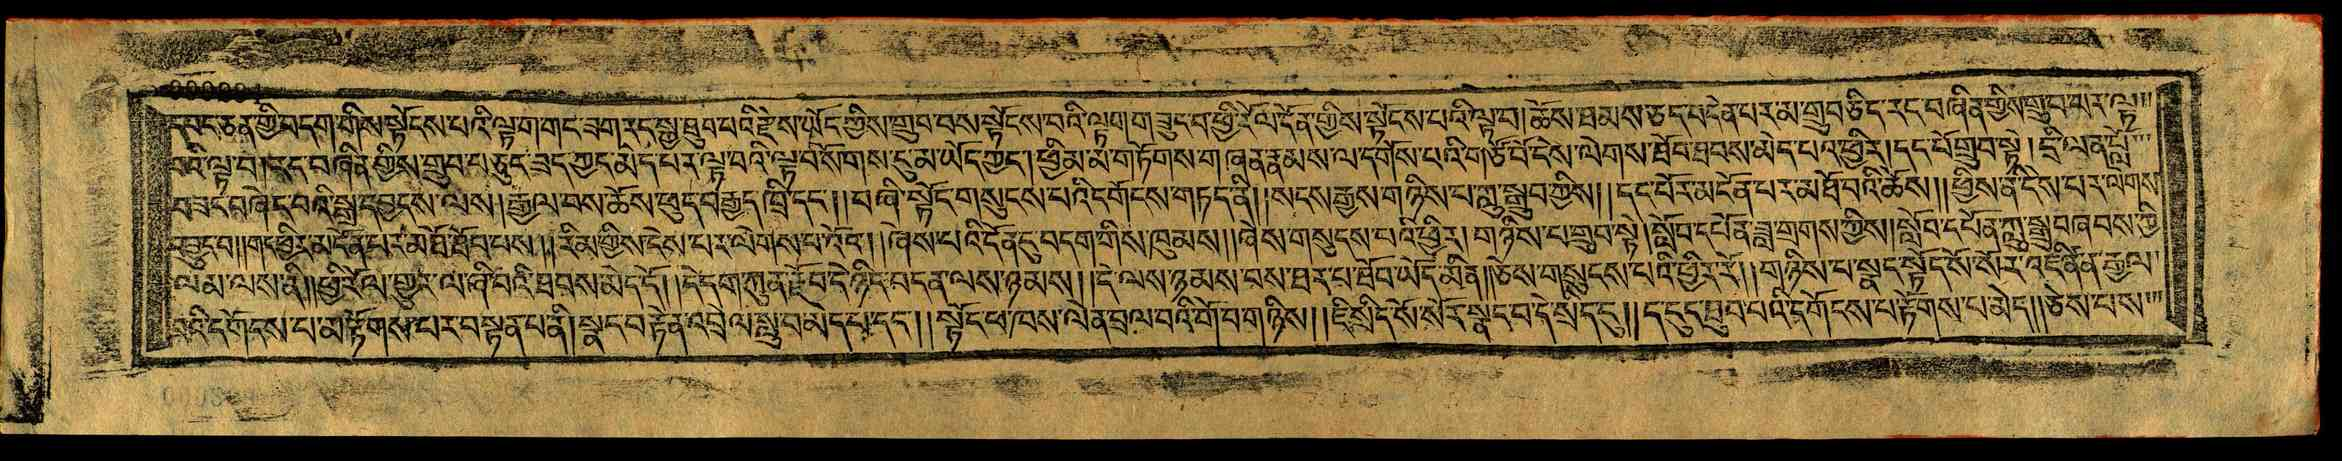དབང་ཅན་གྱི་བདག་གིས་སྟོངས་པའི་ལྟ་བ། གང་ཟག་རང་སྐྱ་ཐུབ་པའི་རྫས་ཡོད་ཀྱིས་གྲུབ་པས་སྟོངས་པའི་ལྟག་གཟུང་བ་ཕྱི་རོལ་དོན་གྱིས་སྟོངས་པའི་ལྟ་གྖོས་ཐམས་ཅད་བདེན་པར་མ་གྲུབ་ཅིང་རང་བཞིན་གྱིས་གྲུབ་པར་ལྟ་
བའི་ལྟ་བ། རང་བཞིན་གྱིས་གྲུབ་པ་ཅུང་ཟད་ཀྱང་མེད་པར་ལྟ་བའི་ལྟ་བ་སོགས་དུ་མ་ཡོད་ཀྱང་། ཕྱི་མ་མ་གཏོགས་གཞན་རྣམས་ལ་དགོས་པའི་གཙོ་བོ་ངེས་ལེགས་ཐོབ་ཐབས་མེད་པའི་ཕྱིར། དང་པོ་གྲུབ་སྟེ། དྲི་ལན་བློ་
བཟང་བཞེད་པའི་སྒྲ་དབྱངས་ལས། རྒྱལ་བས་ཆོས་ཕུང་བརྒྱད་ཁྲི་དང་། །བཞི་སྟོང་གསུངས་པའི་དགོངས་གཏད་ནི། །སངས་རྒྱས་གཉིས་པ་ཀླུ་སྒྲུབ་ཀྱིས། །དང་པོར་མངོན་པར་མཐོ་བའི་ཆོས། །ཕྱིས་ནི་ངེས་པར་ལེགས་
འབྱུང་བ། །གང་ཕྱིར་མངོན་པར་མཐོ་ཐོབ་པས། །རིམ་གྱིས་ངེས་པར་ལེགས་པ་འོང་། །ཞེས་པའི་དོན་དུ་བདག་གིས་ཁུམས། །ཞེས་གསུངས་པའི་ཕྱིར། །གཉིས་པ་གྲུབ་སྟེ། སློབ་དཔོན་ཟླ་གྲགས་ཀྱིས། སློབ་དཔོན་ཀླུ་སྒྲུབ་ཞབས་ཀྱི་
ལམ་ལས་ནི། །ཕྱི་རོལ་གྱུར་ལ་ཞི་བའི་ཐབས་མེད་དོ། །དེ་དག་ཀུན་རྫོབ་དེ་ཉིད་བདེན་ལས་ཉམས། །དེ་ལས་ཉམས་པས་ཐར་པ་ཐོབ་ཡོད་མིན། །ཅེས་གསུངས་པའི་ཕྱིར་རོ། །གཉིས་པ་སྣང་སྟོང་སོ་སོར་འཛིན་ན་རྒྱལ་
བའི་དགོངས་པ་མ་རྟོགས་པར་བསྟན་པ་ནི། སྣང་བ་རྟེན་འབྲེལ་སླུ་བ་མེད་པ་དང་། །སྟོང་པ་ཁས་ལེན་བྲལ་བའི་གོ་བ་གཉིས། །ཇི་སྲིད་སོ་སོར་སྣང་བ་དེ་སྲིད་དུ། །ད་དུང་ཐུབ་པའི་དགོངས་པ་རྟོགས་པ་མེད། །ཅེས་པས་